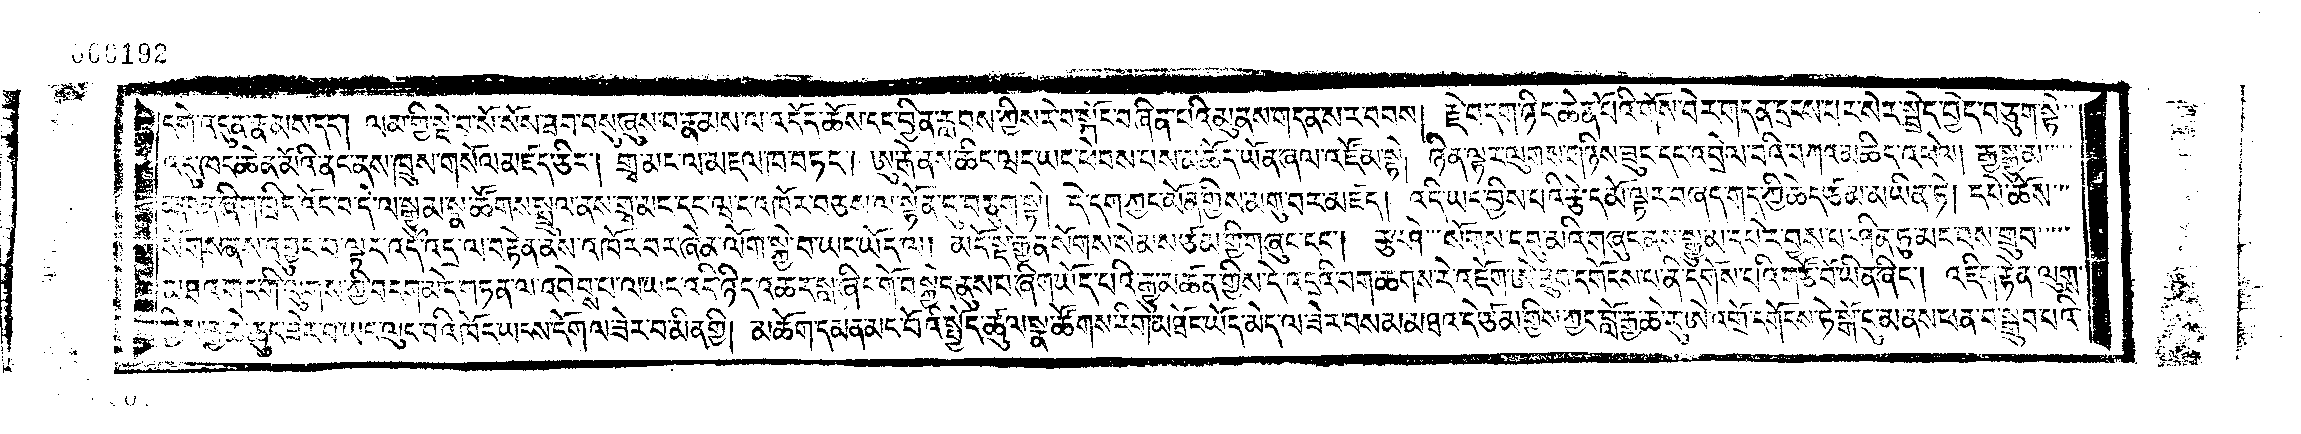དགེ་འདུན་རྣམས་དང་། ལམ་གྱི་སྡེ་བ་སོ་སོས་ཐབ་བསུ་ཞུས་པ་རྣམས་ལ་འདོད་ཆོས་དང་བྱིན་རླབས་ཀྱིས་རེ་བ་སྐོང་བཞིན་པའི་མུ་ནས་གདན་སར་བབས། རྗེ་བདག་ཉིད་ཆེན་པོའི་གོས་བེར་གདན་དྲངས་པར་སེར་སྤྲེང་བྱེད་བཅུག་སྟེ་
འདུ་ཁང་ཆན་མོའི་ནང་ནས་ཁྲུས་གསོལ་མཛད་ཅིང་། གྲྭ་མང་ལ་མཇལ་ཁ་བཏང་། ཨུརྒ་ནས་ཆིང་ཝང་ཡང་ཕེབས་པས་མཆོད་ཡོན་ཞལ་འཛོམ་སྟེ། ཉིན་ལྟར་ལུགས་གཉིས་ཟུང་དང་འབྲེལ་བའི་བཀའ་མཆིད་འཕེལ། རྒྱ་སྒྱུ་མ་
མཁན་ཞིག་ཁྲིད་འོང་བ་དེ་ལ་སྒྱུ་མ་སྣ་ཚོགས་སྤྲུལ་ནས་གྲྭ་མང་དང་ཝང་འཁོར་བཅས་ལ་སྟོན་དུ་བཅུག་སྟེ། དེ་དག་ཀྱང་ཡོན་གྱིས་མགུ་བར་མཛད། འདི་ཡང་བྱིས་པའི་རྩེད་མོ་ལྟར་བཞད་གང་ཀྱི་ཆེད་ཙམ་མ་ཡིན་ཏེ། དཔེ་ཆོས་
སོགས་ནས་འབྱུང་བ་ལྟར་འདྀ་འདྲ་ལ་བརྟེན་ནས་འཁོར་བར་ཞེན་ལོག་སྐྱེ་བ་ཡང་ཡོད་ལ། མདོ་སྔ་རྒྱན་སོགས་སེམས་ཙམ་གྱི་གཞུང་དང་། རྩ་ཤེས་སོགས་དབུ་མའི་གཞུང་ནས་སྒྱུ་མ་དཔེར་བྱས་པ་ཤིན་ཏུ་མང་བས་གྲུབ་
མཐའ་གང་གི་ལུགས་ཀྱི་བདག་མེད་གཏན་ལ་འབེབས་པ་ལ་ཡང་འདི་ཉིད་འཆར་སླ་ཞིང་གོ་བ་སྐྱེད་ནུས་པ་ཞིག་ཡོད་པའི་རྒྱུ་མཚན་གྱིས་དེ་འདྲའི་བག་ཆགས་རེ་འཇོག་ཨེ་ཐུབ་དགོངས་པ་ནི་དགོས་པའི་གཙོ་པོ་ཡིན་ཞིང་། འཇིག་རྟེན་ལུགས་
ཀྱིས་རྒྱ་ཆེ་ཆུང་ཟེར་བ་ཡང་ལུང་པའི་ཁོང་ཡངས་དོག་ལ་ཟེར་བ་མིན་གྱི། མཆོག་དམན་མང་བོའི་སྤྱོད་ཚུལ་སྣ་ཚོགས་རིག་མཐོང་ཡོད་མེད་ལ་ཟེར་བས་མ་མཐའ་དེ་ཙམ་གྱིས་ཀྱང་བློ་རྒྱ་ཆེ་རུ་ཨེ་འགྲོ་དགོངས་ཏེ་སྒོ་དུ་མ་ནས་ཕན་པ་སྒྲུབ་པའི་